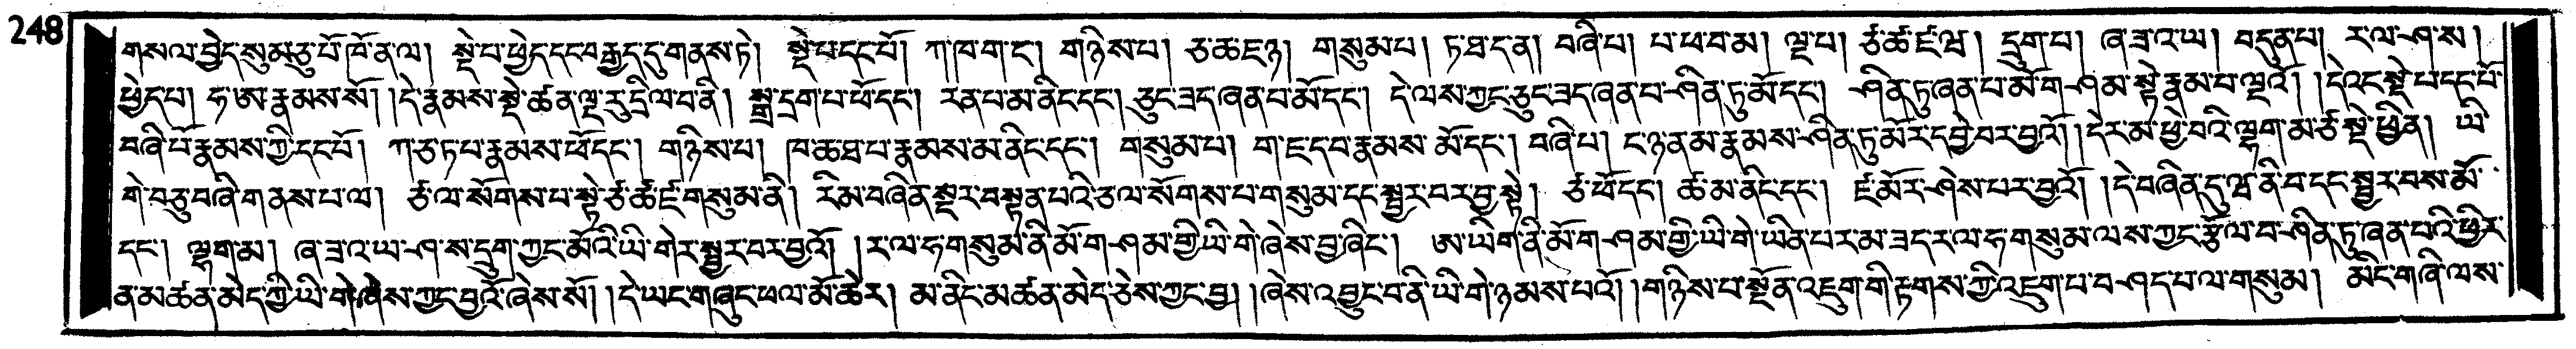གསལ་བྱེད་སུམ་ཅུ་པོ་ཁོ་ན་ལ། སྡེ་པ་ཕྱེད་དང་བརྒྱད་དུ་གནས་ཏེ། སྡེ་པ་དང་པོ། ཀ་ཁ་ག་ང་། གཉིས་པ། ཅ་ཆ་ཇ་ཉ། གསུམ་པ། ཏ་ཐ་ད་ན། བཞི་པ། པ་ཕ་བ་མ། ལྔ་པ། ཙ་ཚ་ཛ་ཝ། དྲུག་པ། ཞ་ཟ་འ་ཡ། བདུན་པ། ར་ལ་ཤ་ས།
ཕྱེད་པ། ཧ་ཨ་རྣམས་སོ། །དེ་རྣམས་སྡེ་ཚན་ལྔ་རུ་དྲིལ་བ་ནི། སྒྲ་དྲག་པ་ཕོ་དང་། ར་ན་པ་མ་ནིང་དང་། ཅུང་ཟད་ཞན་པ་མོ་དང་། དེ་ལས་ཀྱང་ཆུང་ཟད་ཞན་པ་ཤིན་ཏུ་མོ་དང་། ཤིན་ཏུ་ཞན་པ་མོ་གཤམ་སྟེ་རྣམ་པ་ལྔའོ། །དེའང་སྡེ་པ་དང་པོ་
བཞི་པོ་རྣམས་ཀྱི་དང་པོ། ཀ་ཅ་ཏ་པ་རྣམས་ཕོ་དང་། གཉིས་པ། ཁ་ཆ་ཐ་པ་རྣམས་མ་ནིང་དང་། གསུམ་པ། ག་ཇ་ད་བ་རྣམས་མོ་དང་། བཞི་པ། ང་ཉ་ན་མ་རྣམས་ཤིན་ཏུ་མོར་དབྱེ་བར་བྱའོ། །དེར་མ་ཕྱེ་བའི་ལྷག་མ་ཙ་སྡེ་ཕྱིན། ཡི་
གེ་བཅུ་བཞི་གནས་པ་ལ། ཙ་ལ་སོགས་པ་སྟེ་ཙ་ཚ་ཛ་གསུམ་ནི། རིམ་བཞིན་སྔར་བསྟན་པའི་ཅ་ལ་སོགས་པ་གསུམ་དང་སྦྱར་བར་བྱ་སྟེ། ཙ་ཕོ་དང་། ཚ་མ་ནིང་དང་། ཛ་མོར་ཤེས་པར་བྱའོ། །དེ་བཞིན་དུ་ཝ་ནི་བ་དང་སྦྱར་བས་མོ་
དང་། ལྷག་མ། ཞ་ཟ་འ་ཡ་ཤ་ས་དྲུག་ཀྱང་མོའི་ཡི་གེར་སྦྱར་བར་བྱའོ། །ར་ལ་ཧ་གསུམ་ནི་མོ་གཤམ་གྱི་ཡི་གེ་ཞེས་བྱ་ཞིང་། ཨ་ཡིག་ནི་མོ་གཤམ་གྱི་ཡི་གེ་ཡིན་པར་མ་ཟད་ར་ལ་ཧ་གསུམ་ལས་ཀྱང་རྩོལ་བ་ཤིན་ཏུ་ཞན་པའི་ཕྱིར་
ན་མཚན་མེད་ཀྱི་ཡི་གེ་ཞེས་ཀྱང་བྱའོ་ཞེས་སོ། །དེ་ཡང་གཟུང་ཕལ་མོ་ཆེར། མ་ནིང་མཚན་མེད་ཅེས་ཀྱང་བྱ། །ཞེས་འབྱུང་བ་ནི་ཡི་གེ་ཉམས་པའོ། །གཉིས་པ་སྔོན་འཇུག་གི་རྟགས་ཀྱི་འཇུག་པ་བཤད་པ་ལ་གསུམ། མིང་གཞི་ལས་